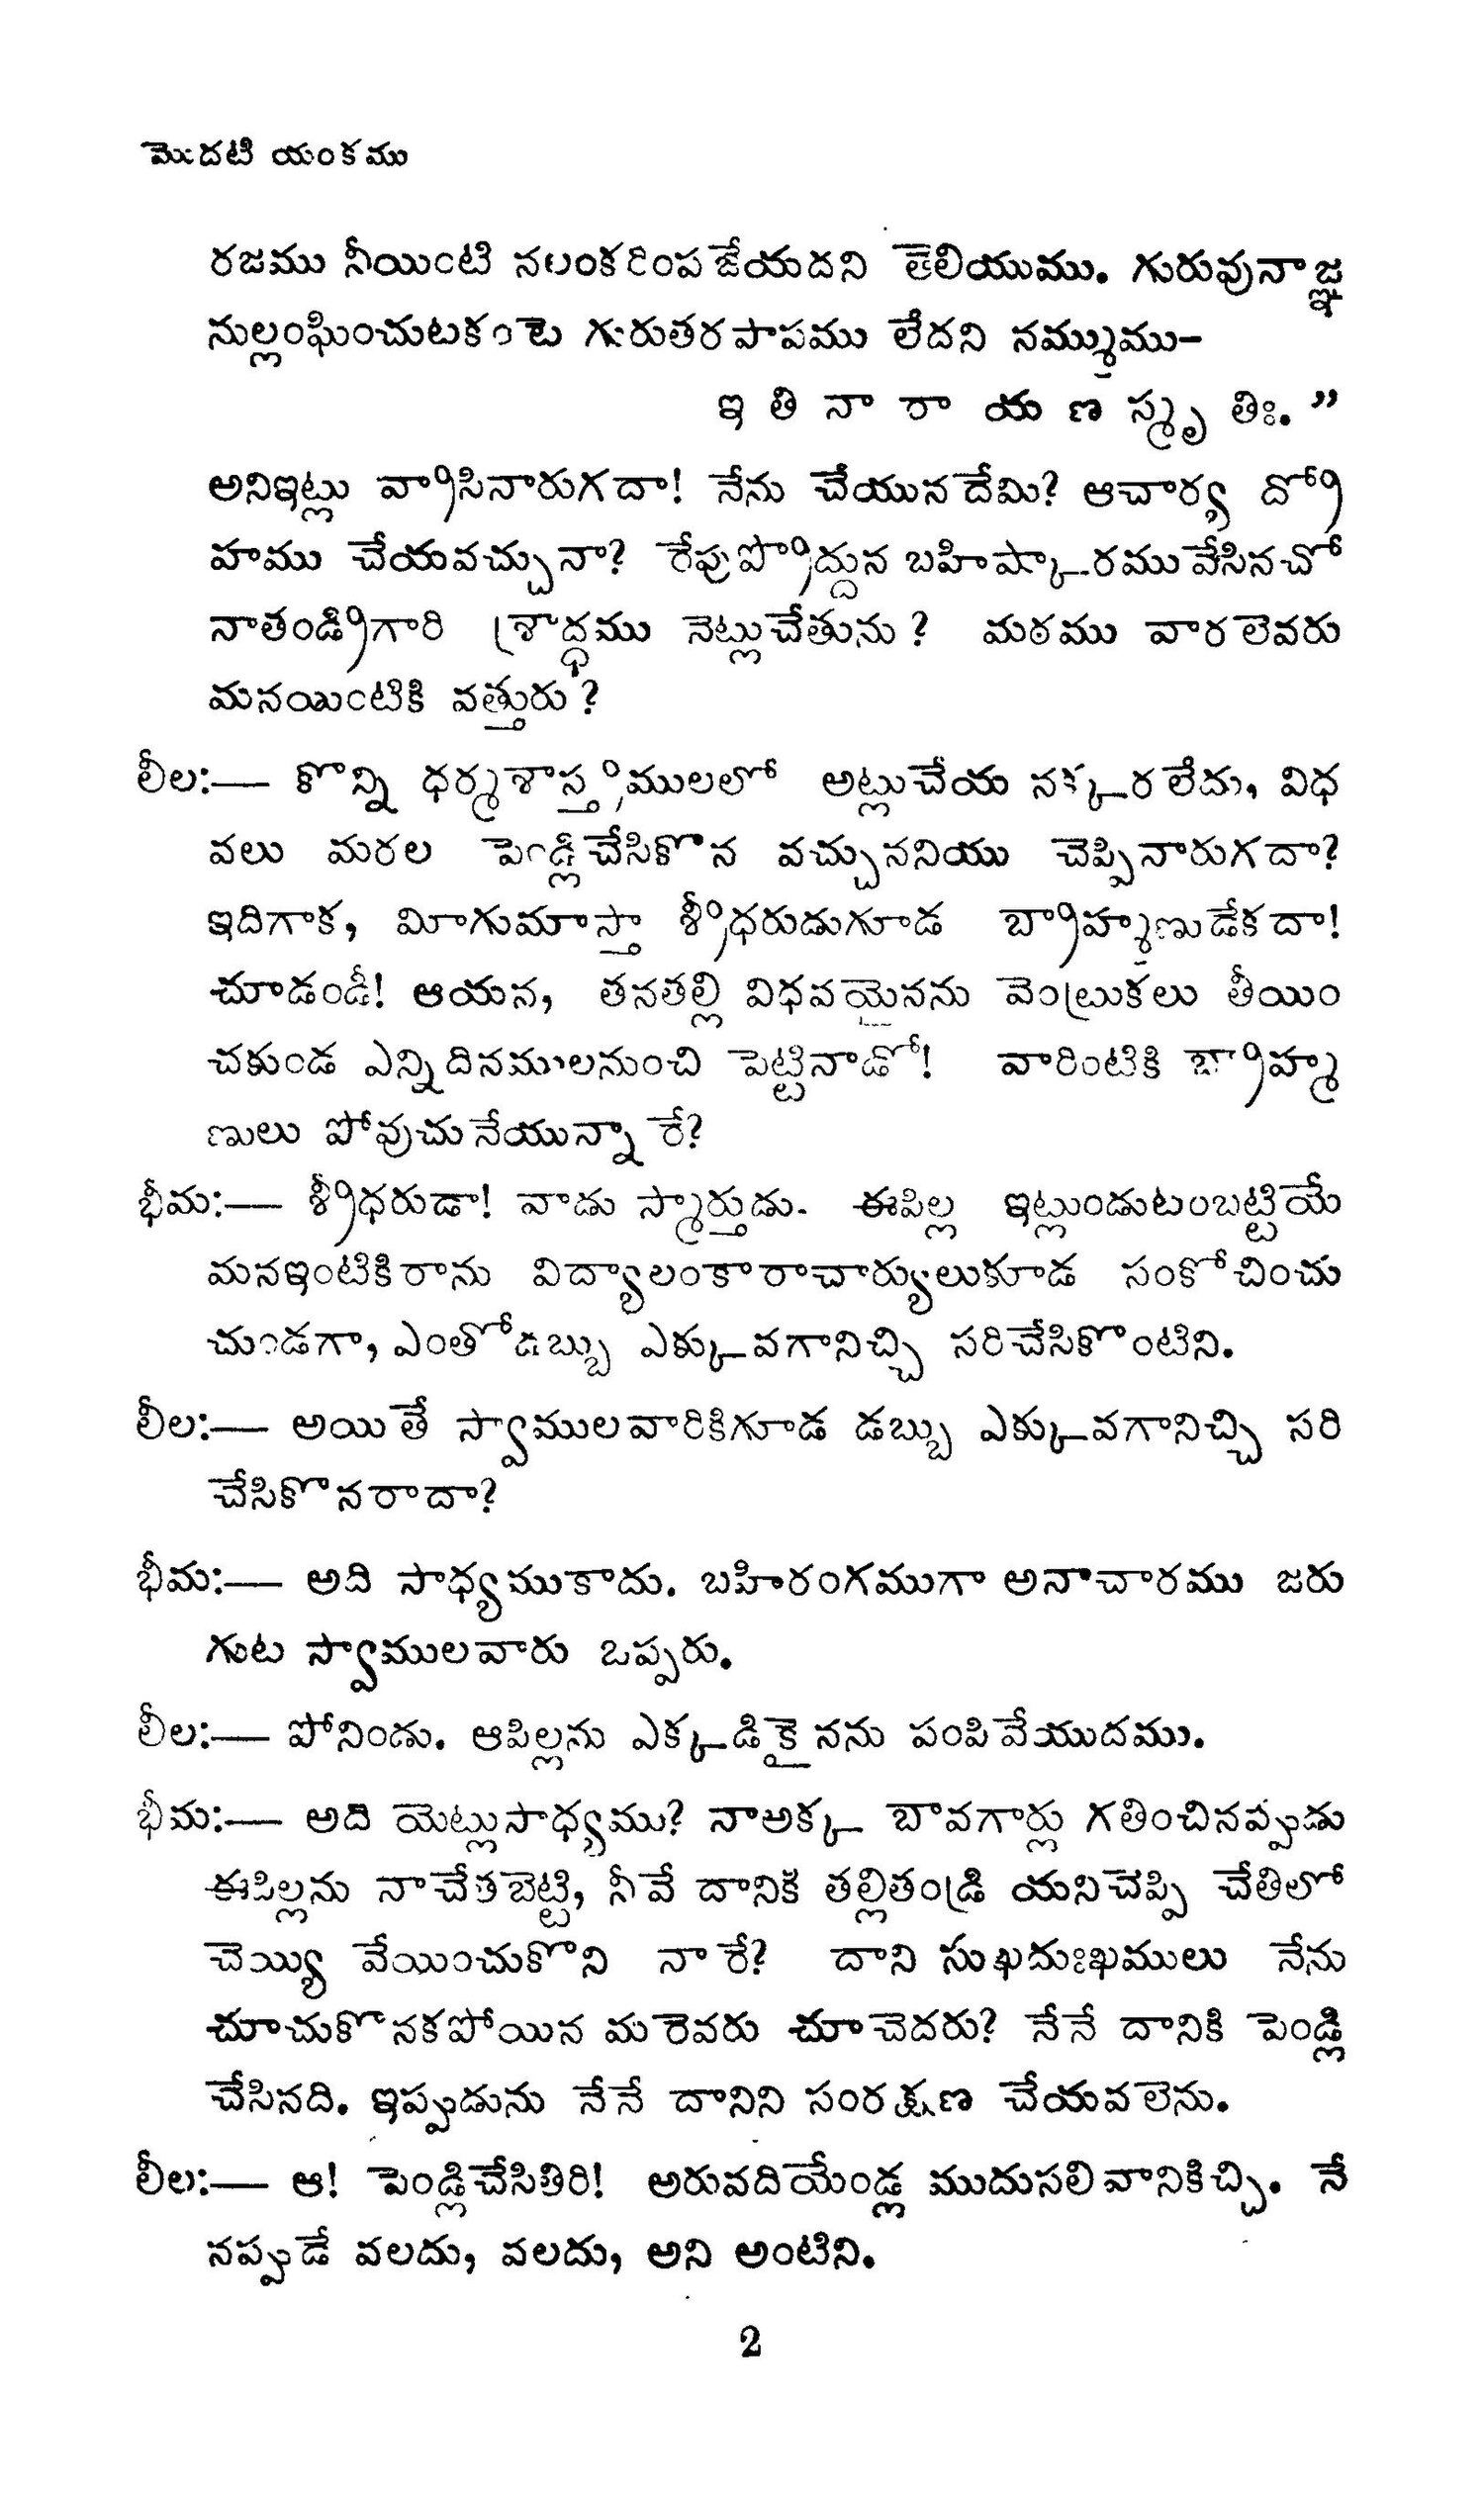రజము నీయింటి నలంకరింపజేయదని తెలియుము. గురువునాజ్ఞనుల్లంఘించుటకంటె గురుతరపాపము లేదని నమ్ముము-ఇతి నా రా య ణ స్కృ తి." అని ఇట్లువ్రాసినారుగదా! నేను చేయునదేమి? ఆచార్య ద్రోహము చేయవచ్చునా? రేపుప్రొద్దున బహిష్కారము చేసినచో నాతండ్రిగారి శ్రాద్ధము నెట్లుచేతును? మఠము వారలెవరు మనయింటికి వత్తురు?

లీల:--కొన్ని ధర్మశాస్త్రములలో అట్లుచేయనక్కరలేదు, విధవలు మరల పెండ్లి చేసుకొనవచ్చుననియు చెప్పినారుగదా? ఇదిగాక, మీగుమాస్తా శ్రీధరుడుగూడ బ్రాహ్మణుదేకదా! చూడండీ! ఆయన, తనతల్లి విధవయైనను వెంట్రుకలు తీయించకుండ ఎన్నిదినములనుంచి పెట్టినాడో! వారింటికి బ్రాహ్మణులు పోవుచునేయున్నారే?

భీమ:-- శ్రీధరుడా! వాడు స్మార్తుడు. ఈపిల్ల ఇట్లుండుటంబట్టియే మనఇంటికిరాను విద్యాలంకారాచార్యులుకూడ సంకోచించు చుండగా, ఎంతోడబ్బు ఎక్కువగానిచ్చి సరిచేసికొంటిని.

లీల:-- ఐతే స్వాములవారికిగూడ డబ్బు ఎక్కువగానిచ్చి సరిచేసికొనరాదా?

భీమ:-- అది సాధ్యముకాదు. బహిరంగముగా అనాచారము జరుగుట స్వాములవారు ఒప్పరు.

లీల:-- పొనిండు, ఆపిల్లను ఎక్కడికైనను పంపివేయుదము.

భీమ:-- అదియెట్లుసాధ్యము? నాఅక్క బావగార్లు గతించినప్పుడు ఈపిల్లను నాచేతబెట్టి, నీవే దానికి తల్లితండ్రి యనిచెప్పి చేతిలోచెయ్యి వేయించుకొని నారే? దాని సుఖదు:ఖములు నేను చూసుకొనకపోయిన మరెవరు చూచెదరు? నేనే దానికి పెండ్లి చేసినది. ఇప్పుడును నేనే దానిని సంరక్షణ చేయవలెను.

లీల:-- ఆ! పెండ్లిచేసితిరి! అరువదియేండ్ల ముదుసలివానికిచ్చి, నేనప్పుడే వలదు, వలదు, అని అంటిని.